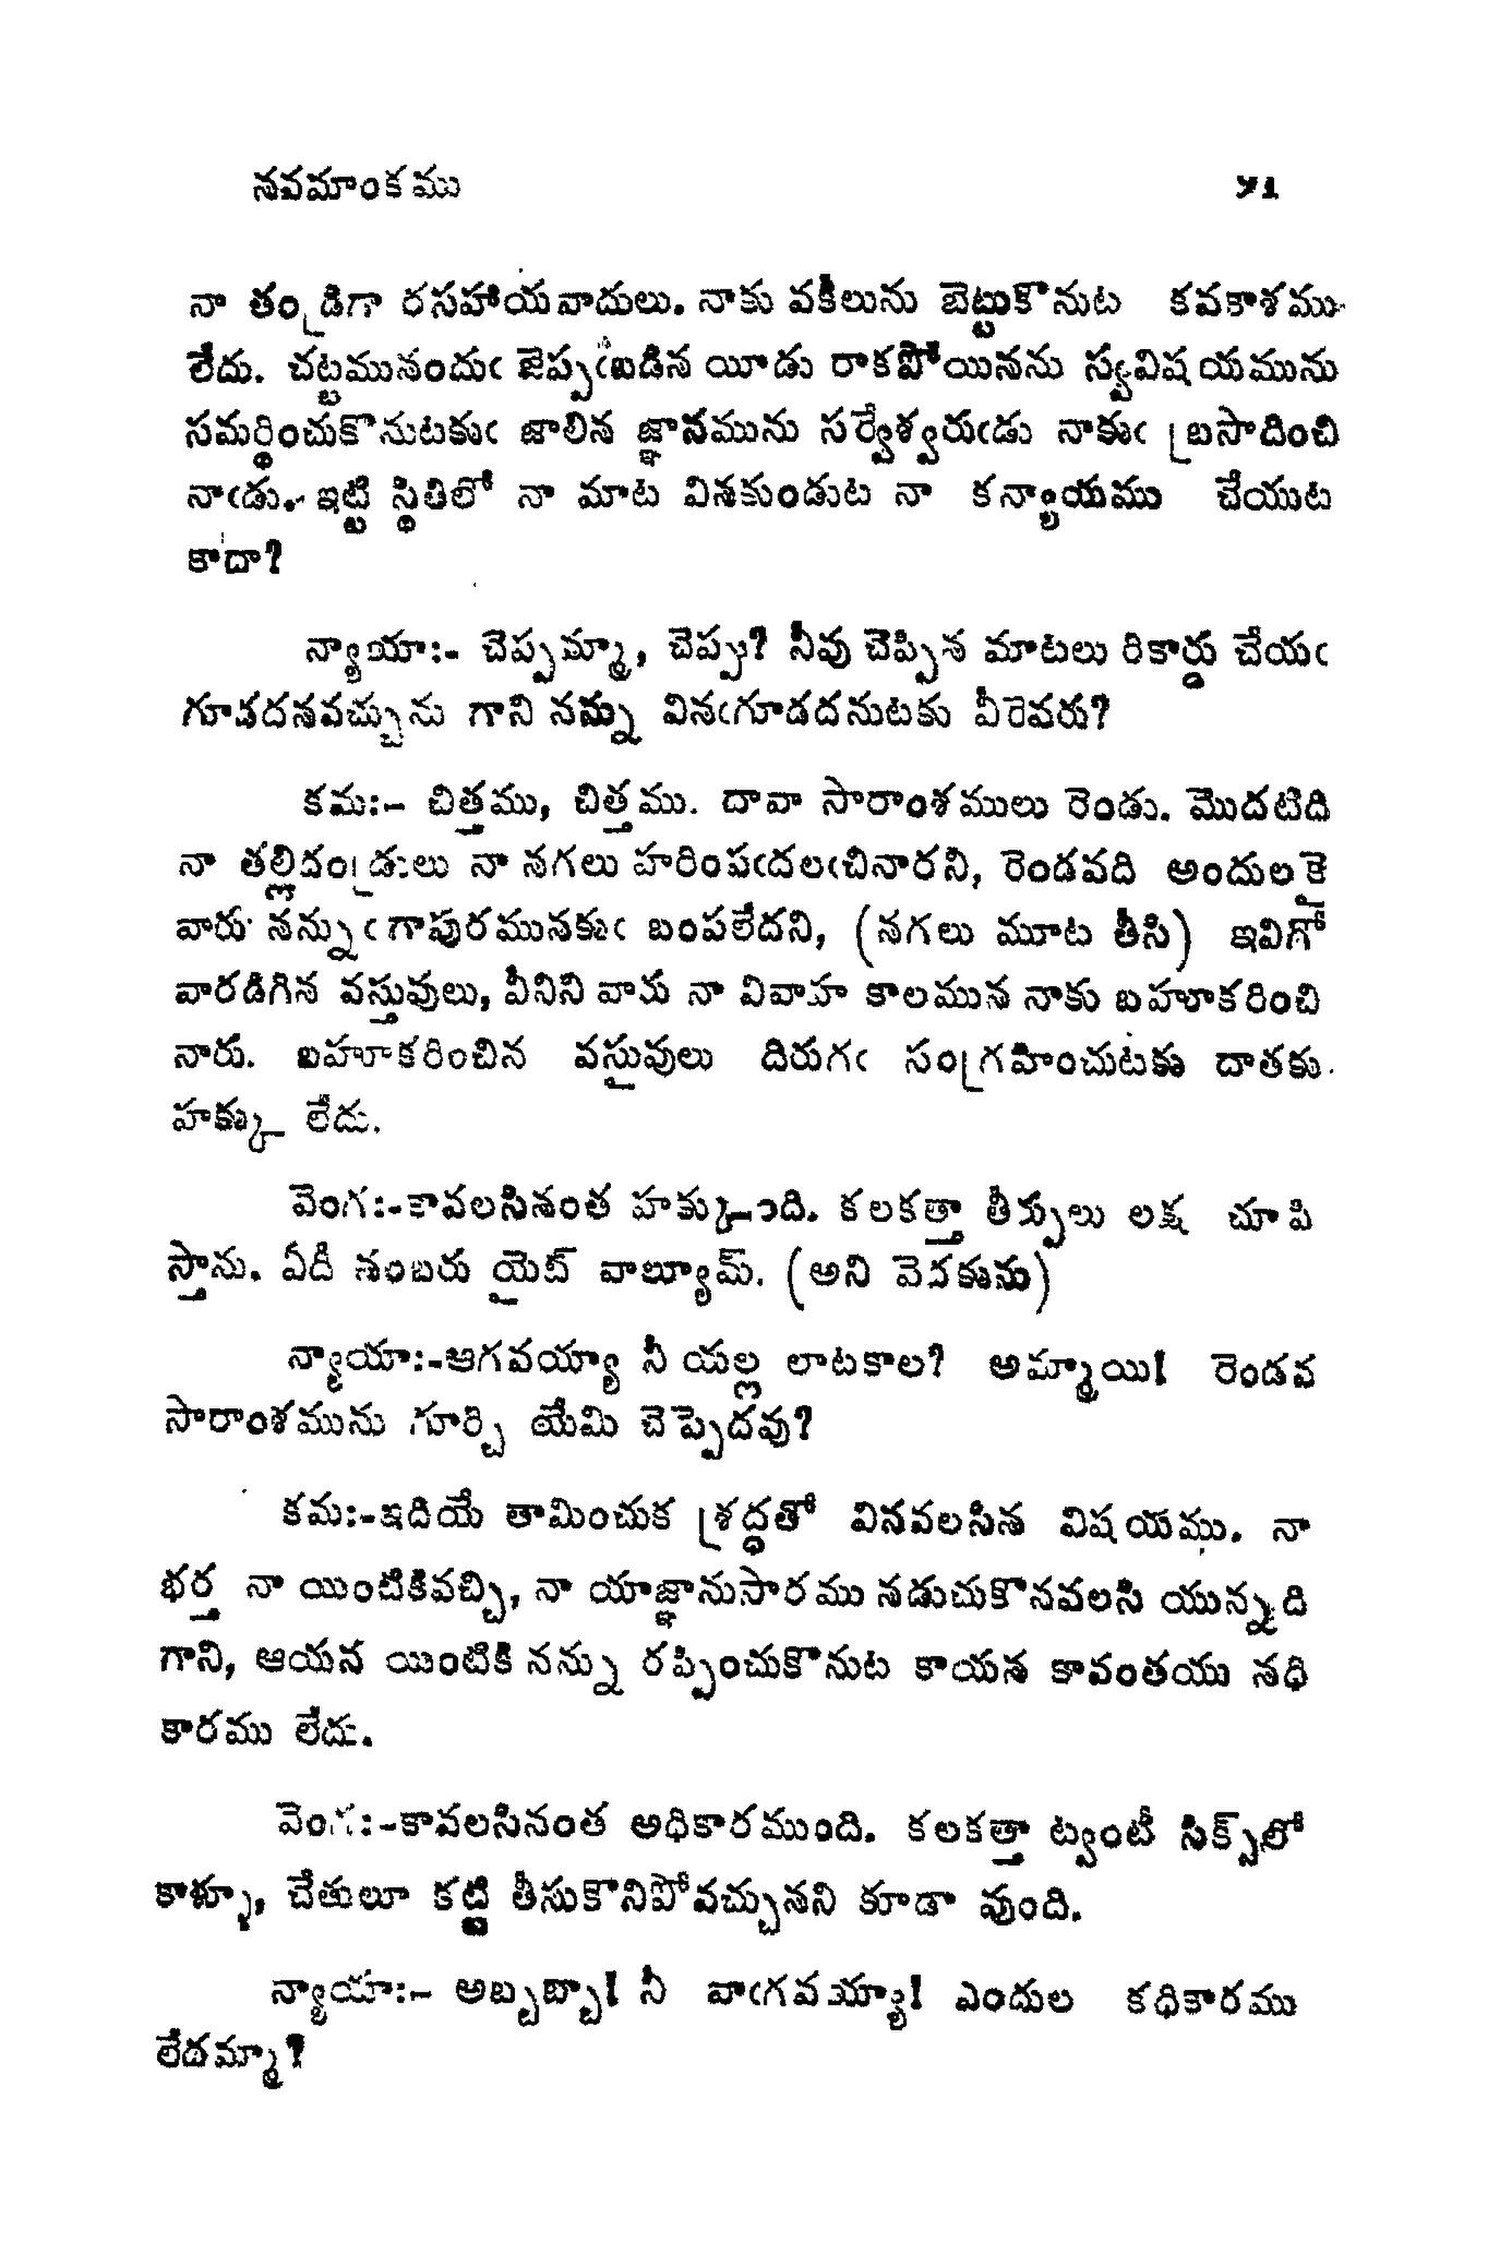నా తండ్రిగా రసహాయవాదులు. నాకు వకీలును బెట్టుకొనుట కవకాశము లేదు. చట్టమునందుఁ జెప్పఁబడిన యీడు రాకపోయినను స్వవిషయమును సమర్థించు కొనుటకుఁ జాలిన జ్ఞానమును సర్వేశ్వరుఁడు నాకుఁ బ్రసాదించినాఁడు. ఇట్టి స్థితిలో నామాట వినకుండుట నా కన్యాయము చేయుటకాదా?

న్యాయా :- చెప్పమ్మా, చెప్పు? నీవు చెప్పిన మాటలు రికార్డు చేయఁగూడదనవచ్చును గాని నన్ను వినఁగూడదనుటకు వీరెవరు?

కమ :- చిత్తము, చిత్తము. దావా సారాంశములు రెండు. మొదటిది నా తల్లిదండ్రులు నా నగలు హరింపఁదలఁచినారని. రెండవది అందులకై వారు నన్నుఁ గాపురమునకుఁ బంపలేదని. (నగలు మూట తీసి) ఇవిగో వారడిగిన వస్తువులు. వీనిని వారు నా వివాహ కాలమున నాకు బహూకరించినారు. బహూకరించిన వస్తువులు దిరుగఁ సంగ్రహించుటకు దాతకు హక్కు లేదు.

వెంగ :- కావలసినంత హక్కుంది. కలకత్తా తీర్పులు లక్ష చూపిస్తాను. ఏదీ నంబరు యైట్‌ వాల్యూము. (అని వెదుకును.)

న్యాయా :- ఆగవయ్యా నీ యల్ల లాటకాల! అమ్మాయి! రెండవ సారాంశమును గూర్చి యేమి చెప్పెదవు?

కమ :- ఇదియే తామించుక శ్రద్ధతో వినవలసిన విషయము. నా భర్త నా యింటికివచ్చి, నా యాజ్ఞానుసారము నడచుకొనవలసి యున్నదిగాని, ఆయన యింటికి నన్ను రప్పించుకొనుట కాయన కావంతయు నధికారము లేదు.

వెంగ :- కావలసినంత అధికారముంది. కలకత్తా ట్వంటీ సిక్సులో కాళ్లూ, చేతులూ కట్టి తీసుకుపోవచ్చునని కూడా వుంది.

న్యాయా :- అబ్బబ్బా! నీ వాఁగవయ్యా! ఎందుల కధికారము లేదమ్మా?